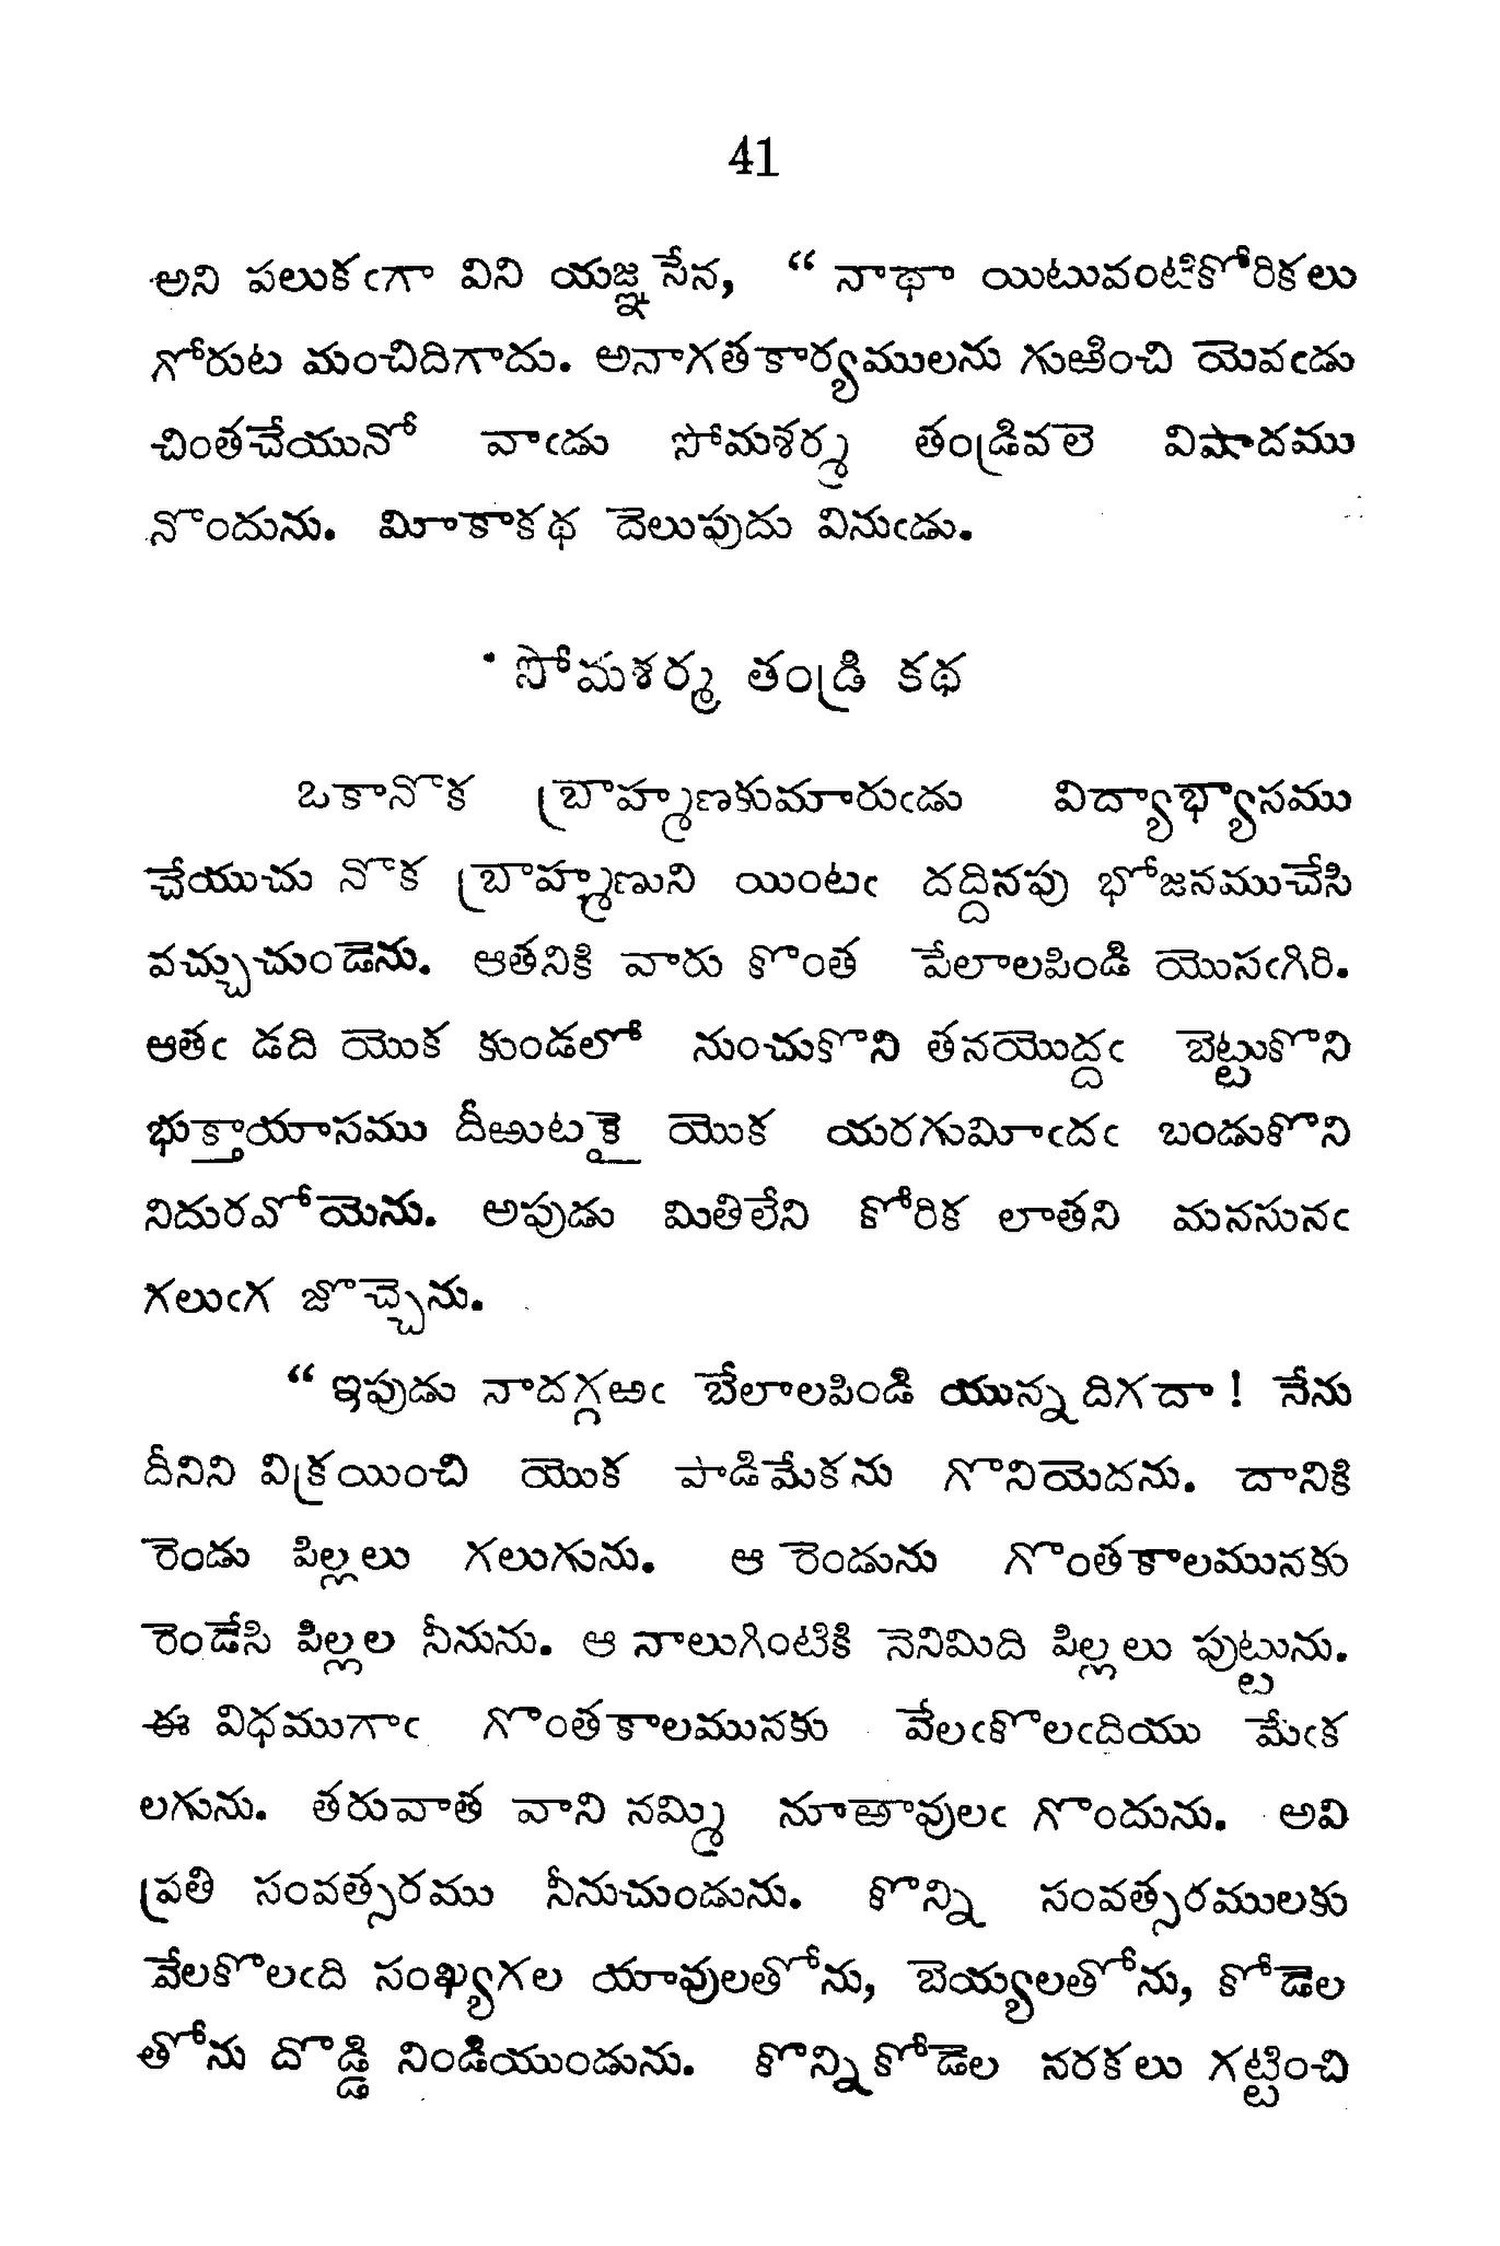అని పలుకగా విని యజ్ఞసేన, "నాథా యిటువంటికోరికలు గోరుట మంచిదిగాదు. అనాగతకార్యములను గుఱించి యెవడు చింతచేయునో వాడు సోమశర్మ తండ్రివలె విషాదము నొందును. మీకాకథ దెలుపుదు వినుడు.

ఒకానొక బ్రాహ్మణకుమారుడు విద్యాభ్యాసము చేయుచు నొక బ్రాహ్మణుని యింట దద్దినపు భోజనముచేసి వచ్చుచుండెను.అతనికి వారు కొంత పేలాలపిండి యొసగిరి. ఆతడది యొక కుండలో నుంచుకొని తనయొద్ద బెట్టుకొని భుక్తాయాసము దీఱుటకై యొక యరుగుమీద బండుకొని నిదురవోయెను. అపుడు మితిలేని కోరిక లాతని మనసున గలుగ జొచ్చెను.

"ఇపుడు నాదగ్గఱ బేలాలపిండి యున్నదిగదా! నేను దీనిని విక్రయించి యొక పాడిమేకను గొనియెదను. దానికి రెండు పిల్లలు గలుగును. ఆ రెండును గొంతకాలమునకు రెండేసి పిల్లల నీనును. ఆనాలుగింటికి నెనిమిది పిల్లలు పుట్టును. ఈవిధముగా గొంతకాలమునకు వేలకొలదియు మేకలగును. తరువాత వాని నమ్మి నూఱావుల గొందును. అవి ప్రతి సంవత్సరము నీనుచుండును. కొన్ని సంవత్సరములకు వేలకొలది సంఖ్యగల యావులతోను, బెయ్యలతోను, కోడెలతోను దొడ్డి నిండియుండును. కొన్నికోడెల నరకలు గట్టించి